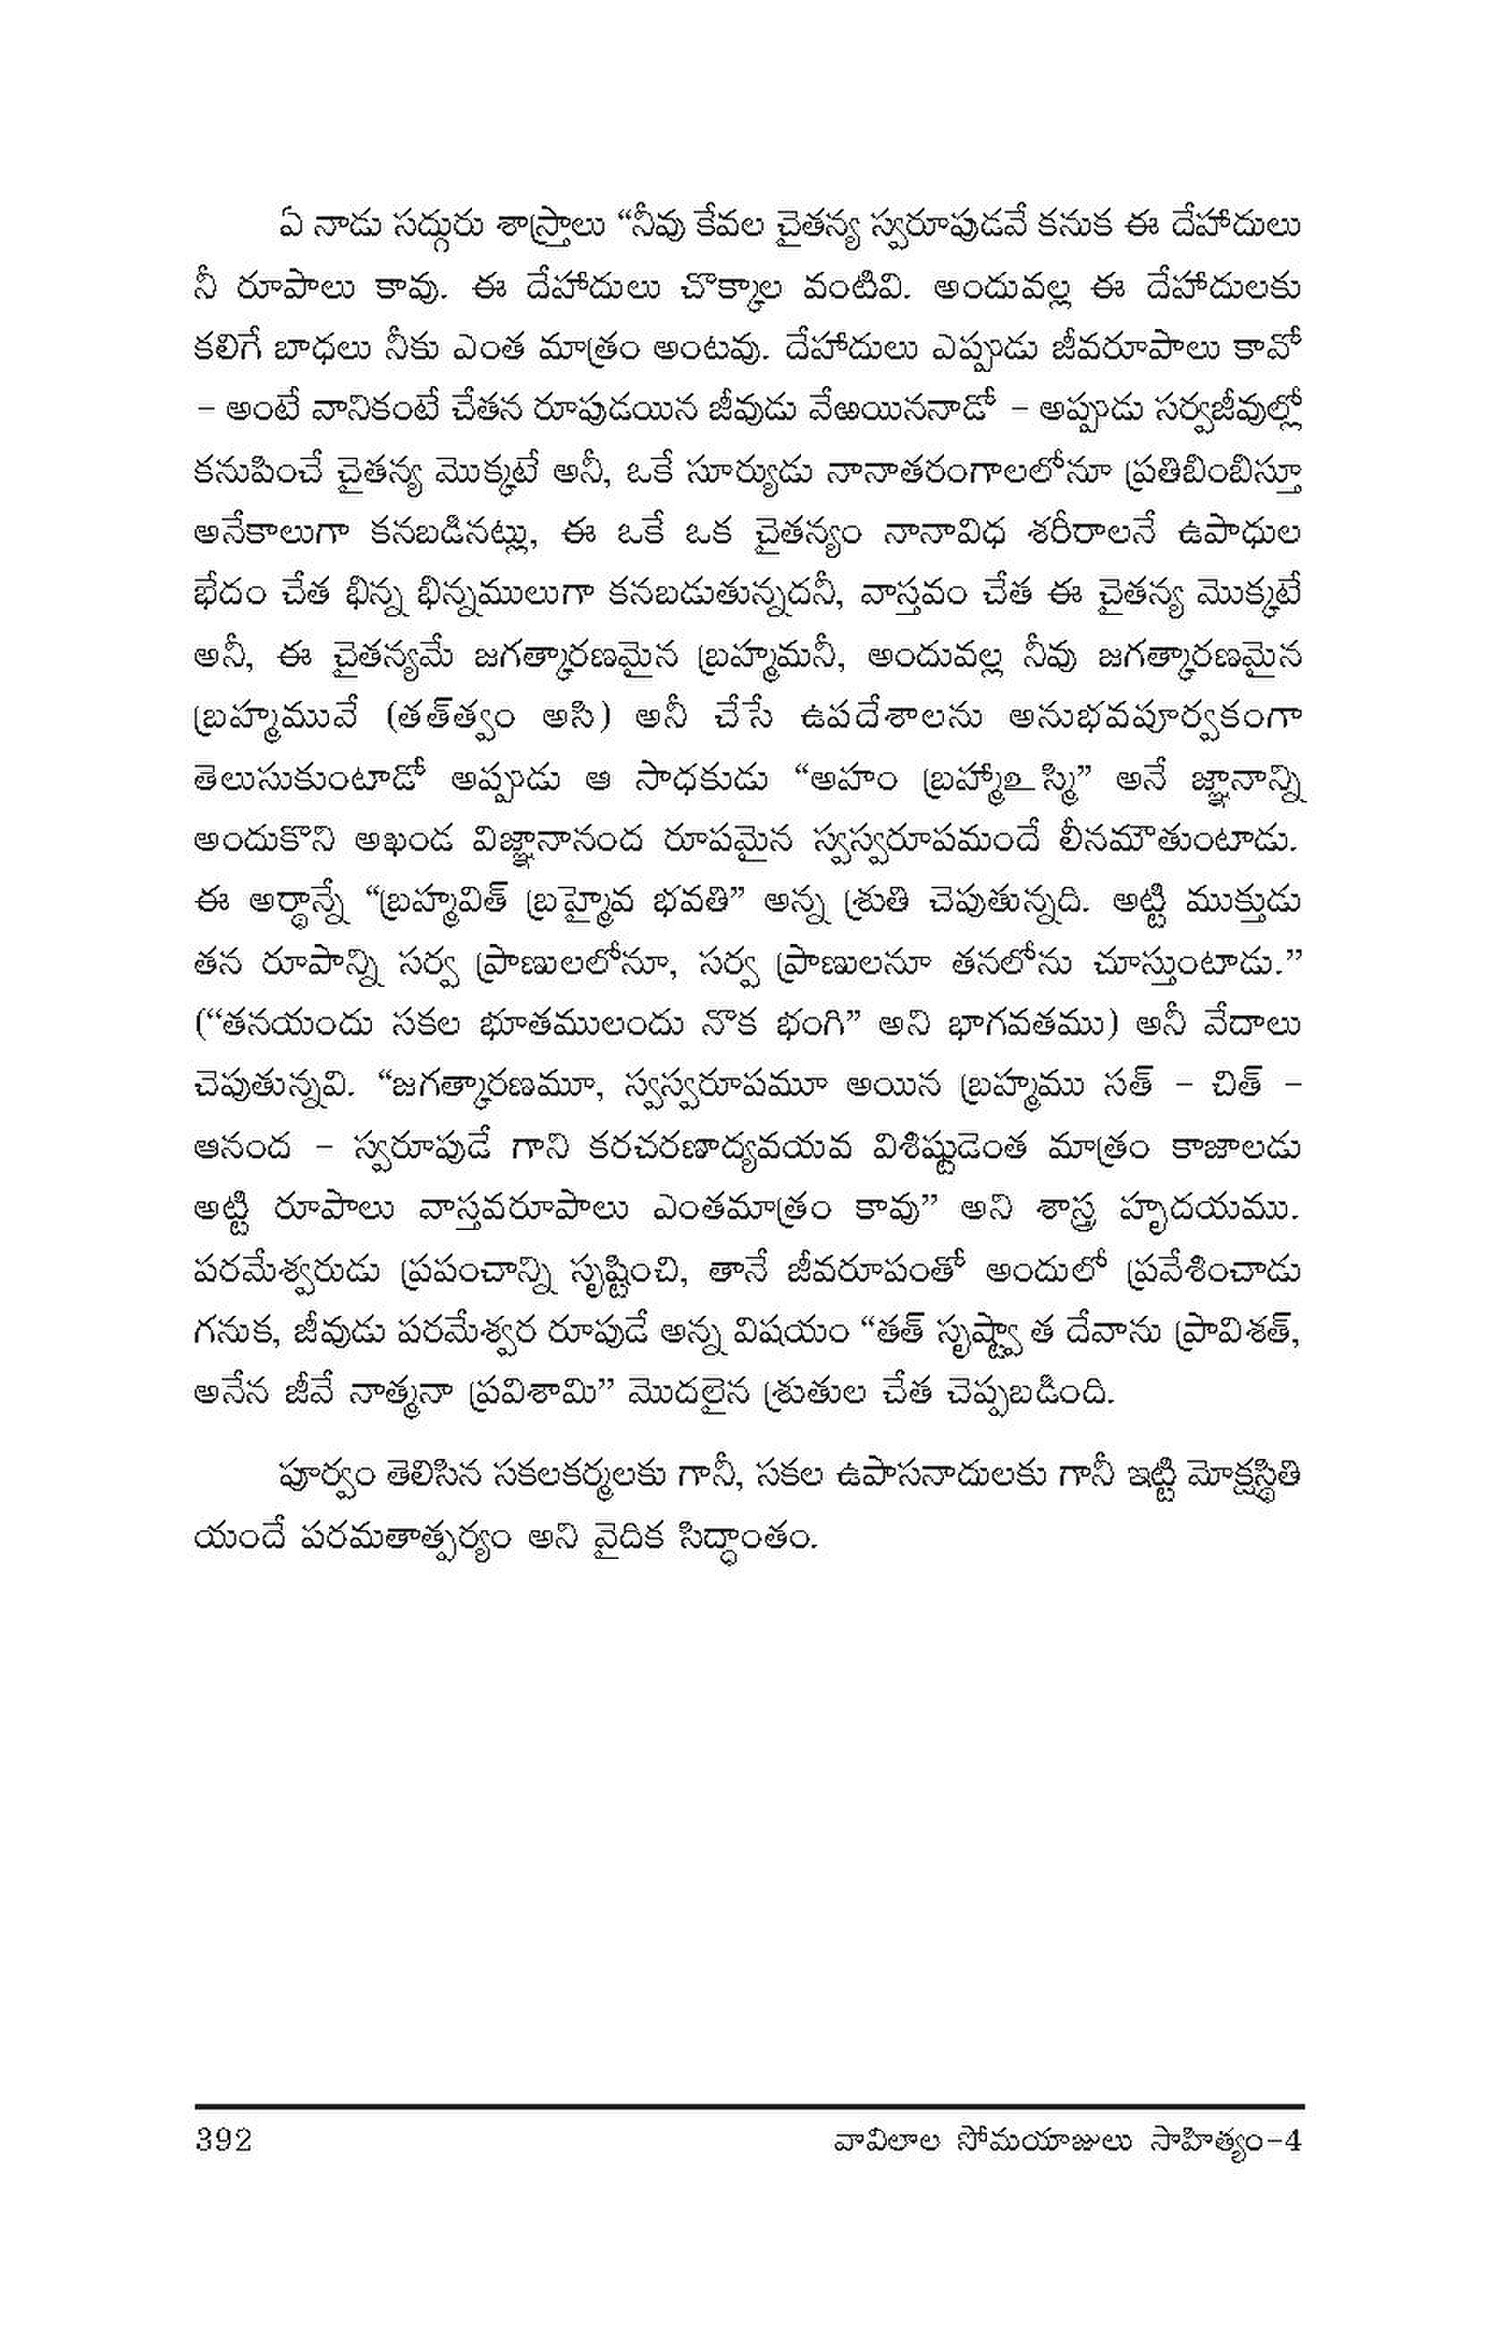ఏ నాడు సద్గురు శాస్త్రాలు “నీవు కేవల చైతన్య స్వరూపుడవే కనుక ఈ దేహాదులు
నీ రూపాలు కావు. ఈ దేహాదులు చొక్కాల వంటివి. అందువల్ల ఈ దేహాదులకు
కలిగే బాధలు నీకు ఎంత మాత్రం అంటవు. దేహాదులు ఎప్పుడు జీవరూపాలు కావో - అంటే వానికంటే చేతన రూపుడయిన జీవుడు వేఱయిననాడో - అప్పుడు సర్వజీవుల్లో
కనుపించే చైతన్య మొక్కటే అనీ, ఒకే సూర్యుడు నానాతరంగాలలోనూ ప్రతిబింబిస్తూ
అనేకాలుగా కనబడినట్లు, ఈ ఒకే ఒక చైతన్యం నానావిధ శరీరాలనే ఉపాధులు
భేదం చేత భిన్న భిన్నములుగా కనబడుతున్నదనీ, వాస్తవం చేత ఈ చైతన్య మొక్కటే
అనీ, ఈ చైతన్యమే జగత్కారణమైన బ్రహ్మమనీ, అందువల్ల నీవు జగత్కారణమైన
బ్రహ్మమువే (తత్ త్వం అసి) అనీ చేసే ఉపదేశాలను అనుభవపూర్వకంగా
తెలుసుకుంటాడో అప్పుడు ఆ సాధకుడు "అహం బ్రహ్మా స్మి" అనే జ్ఞానాన్ని
అందుకొని అఖండ విజ్ఞానానంద రూపమైన స్వస్వరూపమందే లీనమౌతుంటాడు.
ఈ అర్థాన్నే "బ్రహ్మవిత్ బ్రహ్మైవ భవతి" అన్న శ్రుతి చెపుతున్నది. అట్టి ముక్తుడు
తన రూపాన్ని సర్వ ప్రాణులలోనూ, సర్వ ప్రాణులనూ తనలోను చూస్తుంటాడు.”
("తనయందు సకల భూతములందు నొక భంగి" అని భాగవతము) అనీ వేదాలు
చెపుతున్నవి. "జగత్కారణమూ, స్వస్వరూపమూ అయిన బ్రహ్మము సత్ - చిత్ -
ఆనంద - స్వరూపుడే గాని కరచరణాద్యవయవ విశిష్టుడెంత మాత్రం కాజాలడు
అట్టి రూపాలు వాస్తవరూపాలు ఎంతమాత్రం కావు” అని శాస్త్ర హృదయము.
పరమేశ్వరుడు ప్రపంచాన్ని సృష్టించి, తానే జీవరూపంతో అందులో ప్రవేశించాడు
గనుక, జీవుడు పరమేశ్వర రూపుడే అన్న విషయం "తత్ సృష్ట్వా త దేవాను ప్రావిశత్,
అనేన జీవే నాత్మనా ప్రవిశామి” మొదలైన శ్రుతుల చేత చెప్పబడింది.

పూర్వం తెలిసిన సకలకర్మలకు గానీ, సకల ఉపాసనాదులకు గానీ ఇట్టి మోక్షస్థితి
యందే పరమతాత్పర్యం అని వైదిక సిద్ధాంతం.